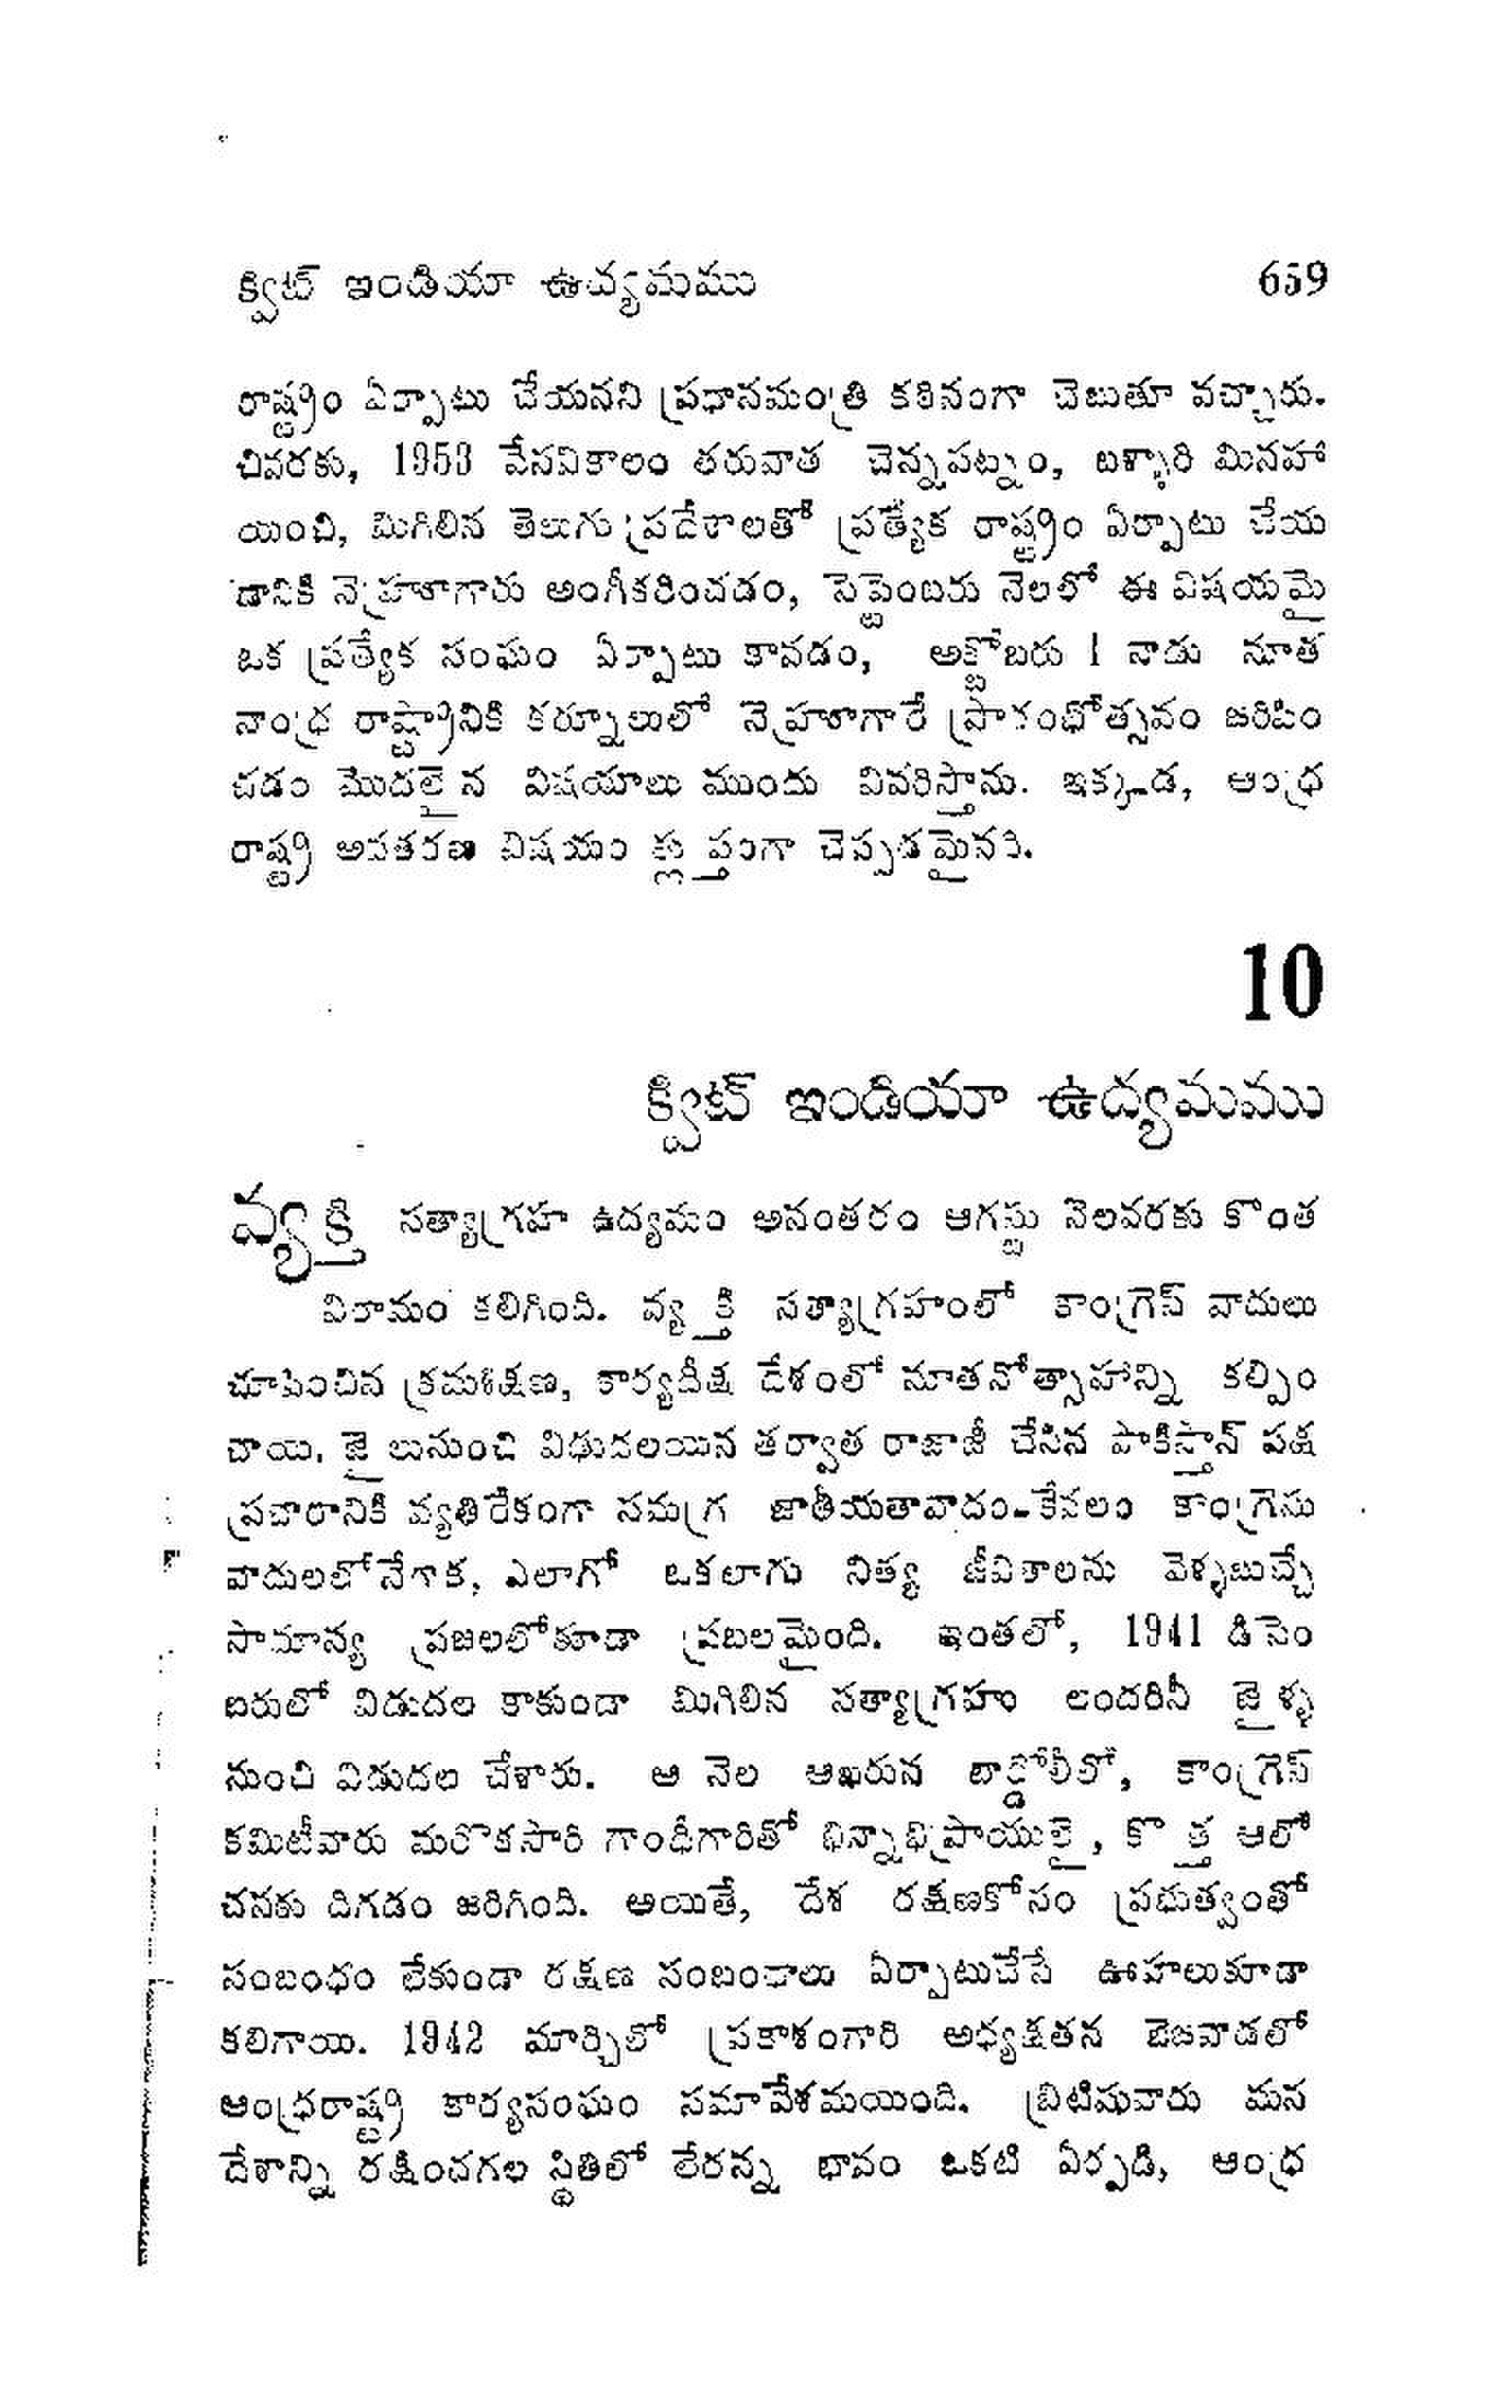రాష్ట్రం ఏర్పాటు చేయనని ప్రధానమంత్రి కఠినంగా చెబుతూ వచ్చారు. చివరకు, 1953 వేసవికాలం తరువాత చెన్నపట్నం, బళ్ళారి మినహాయించి, మిగిలిన తెలుగు ప్రదేశాలతో ప్రత్యేక రాష్ట్రం ఏర్పాటు చేయడానికి నెహ్రూగారు అంగీకరించడం, సెప్టంబరు నెలలో ఈ విషయమై ఒక ప్రత్యేక సంఘం ఏర్పాటు కావడం, అక్టోబరు 1 నాడు నూతనాంధ్ర రాష్ట్రానికి కర్నూలులో నెహ్రూగారే ప్రారంభోత్సవం జరిపించడం మొదలైన విషయాలు ముందు వివరిస్తాను. ఇక్కడ, ఆంధ్రరాష్ట్ర అవతరణ విషయం క్లుప్తంగా చెప్పడమైనది.

వ్యక్తి సత్యాగ్రహ ఉద్యమం అనంతరం ఆగస్టు నెలవరకు కొంత విరామం కలిగింది. వ్యక్తి సత్యాగ్రహంలో కాంగ్రెస్ వాదులు చూపించిన క్రమశిక్షణ, కార్యదీక్ష దేశంలో నూతనోత్సాహాన్ని కల్పించాయి. జైలునుంచి విడుదలయిన తర్వాత రాజాజీ చేసిన పాకిస్తాన్ పక్ష ప్రచారానికి వ్యతిరేకంగా సమగ్ర జాతీయవాదం - కేవలం కాంగ్రెసు వాదులలోనేగాక, ఎలాగో ఒకలాగు నిత్య జీవితాలను వెళ్ళబుచ్చే సామాన్య ప్రజలలోకూడా ప్రబలమైంది. ఇంతలో, 1941 డిసెంబరులో విడుదల కాకుండా మిగిలిన సత్యాగ్రహు లందరినీ జైళ్ళనుంచి విడుదల చేశారు. ఆ నెల ఆఖరున బార్డోలీలో, కాంగ్రెస్ కమిటీవారు మరొకసారి గాంధీగారితో భిన్నాభిప్రాయులై, కొత్త ఆలోచనకు దిగడం జరిగింది. అయితే, దేశ రక్షణకోసం ప్రభుత్వంతో సంబంధం లేకుండా రక్షణ సంబంధాలు ఏర్పాటుచేసే ఊహలుకూడా కలిగాయి. 1942 మార్చిలో ప్రకాశంగారి అధ్యక్షతన బెజవాడలో ఆంధ్రరాష్ట్ర కార్యసంఘం సమావేశమయింది. బ్రిటిషువారు మన దేశాన్ని రక్షించగల స్థితిలో లేరన్న భావం ఒకటి ఏర్పడి, ఆంధ్ర